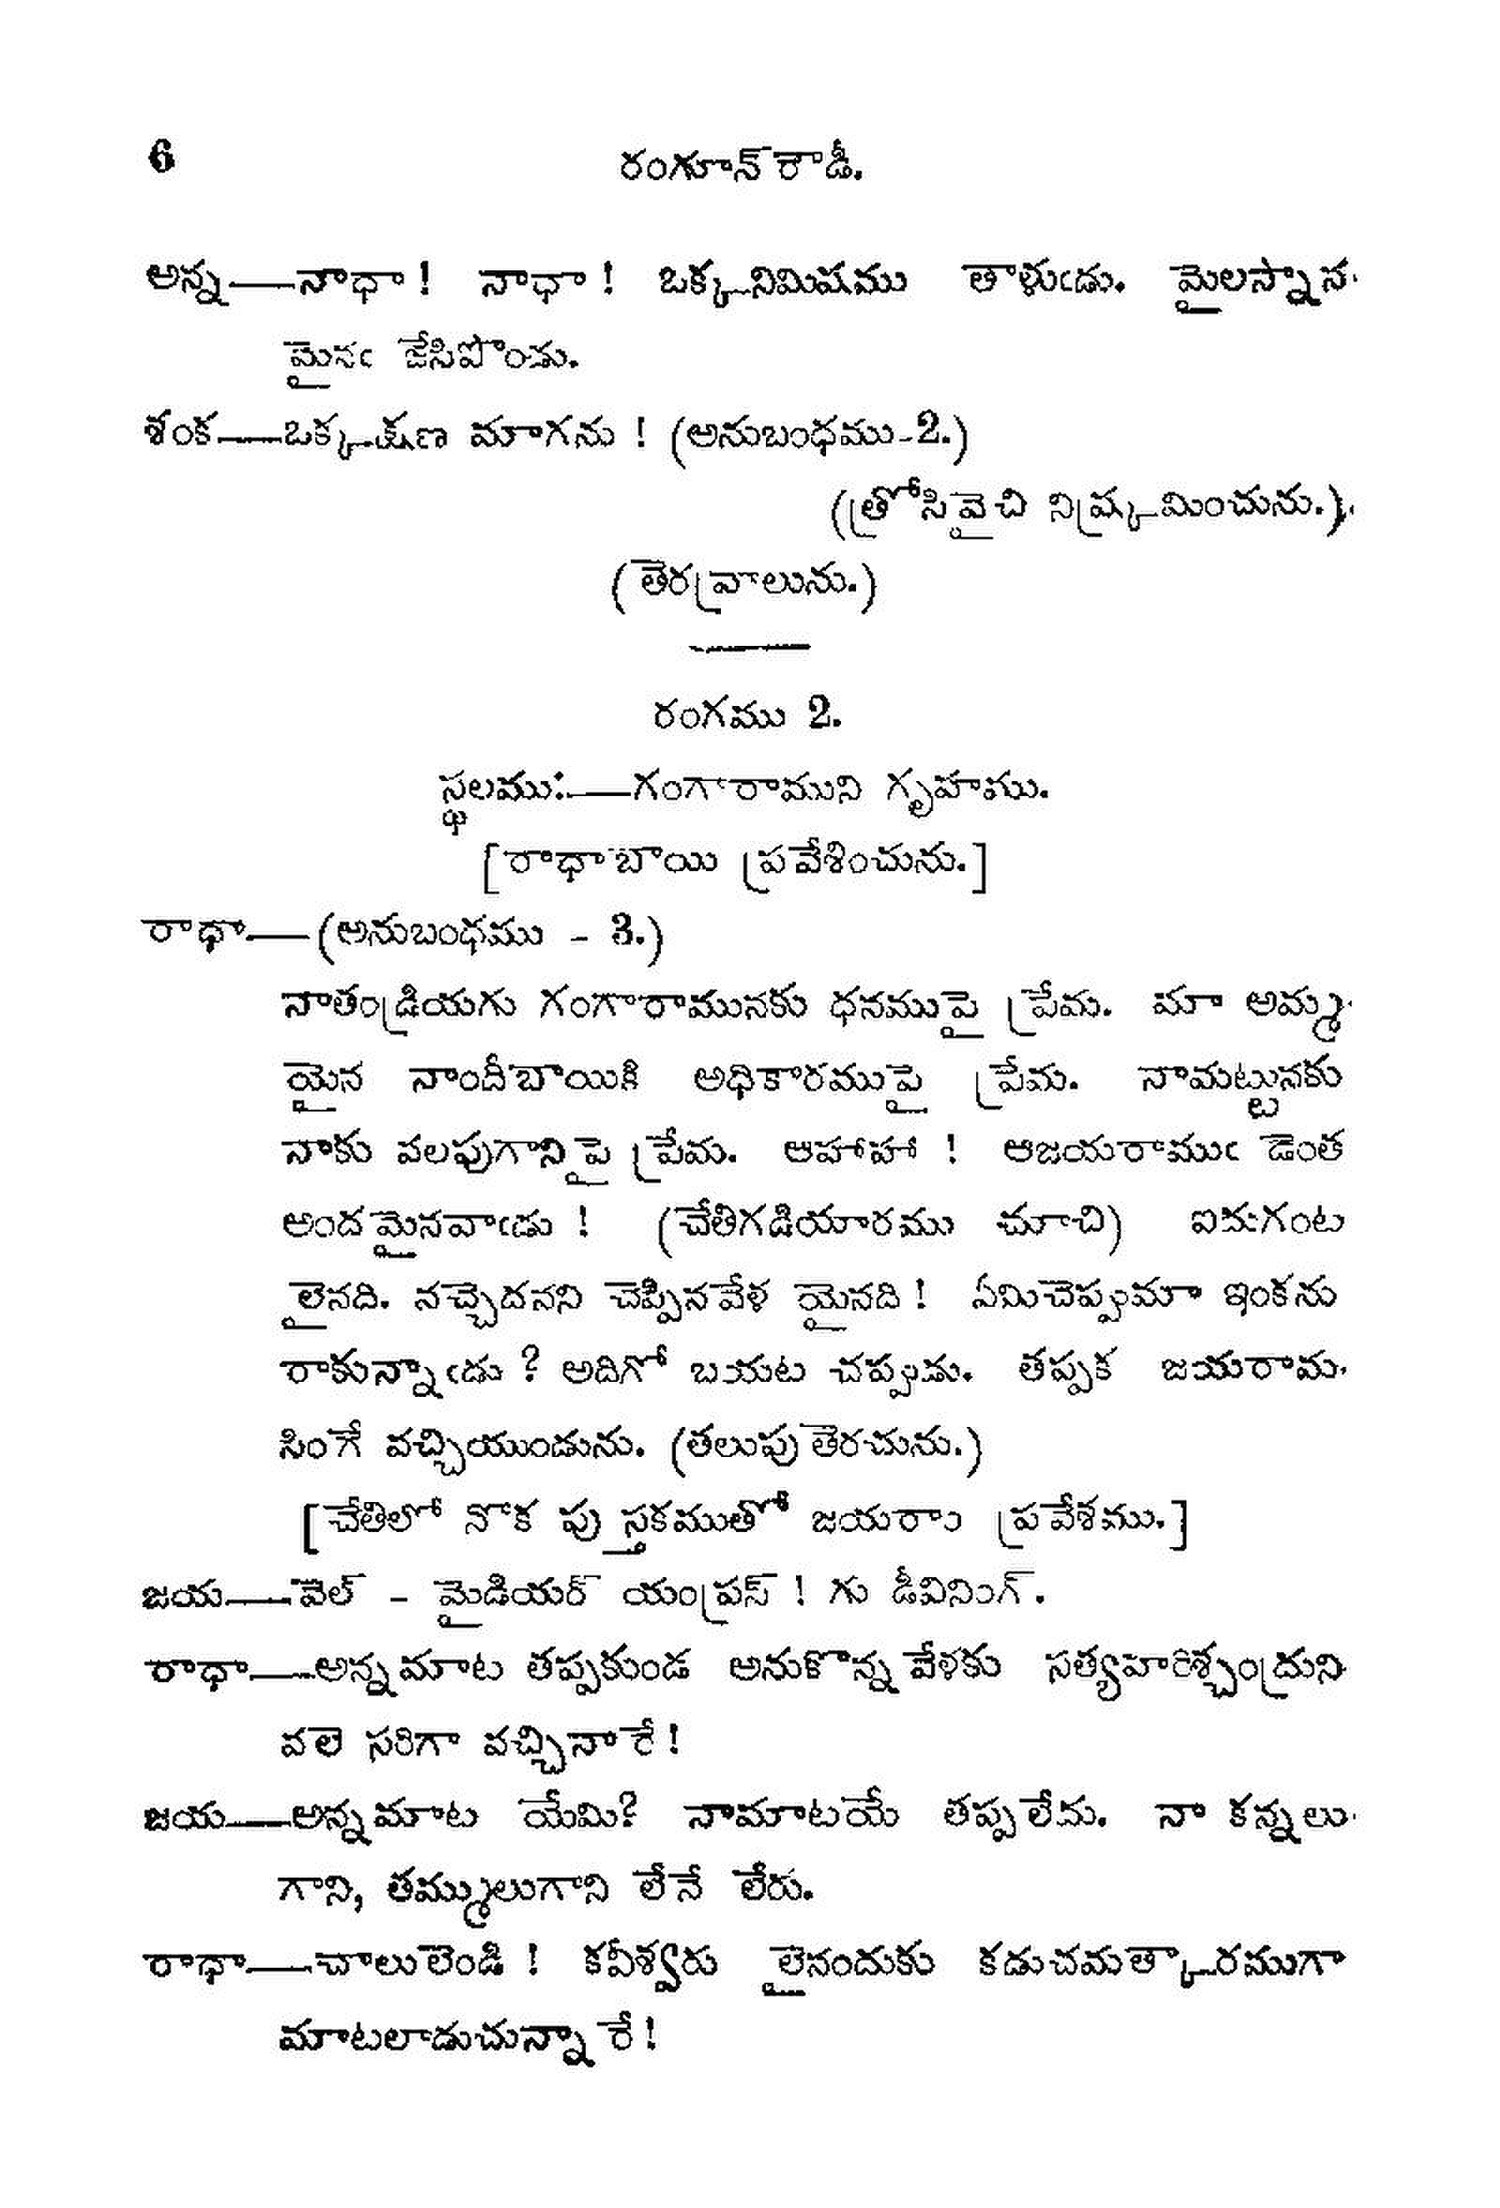అన్న – నాధా ! నాధా ! ఒక్కనిమిషము తాళుఁడు. మైలస్నానమైనఁ జేసిపొండు.

శంక - ఒక్క క్షణ మాగను ! (అనుబంధము.2.)

రాధా - (అనుబంధము - 3.)

నాతండ్రియగు గంగారామునకు ధనముపై ప్రేమ. మా అమ్మ యైన నాందీబాయికి అధికారముపై ప్రేమ. నామట్టునకు నాకు వలపుగానిపై ప్రేమ. ఆహాహా ! ఆజయరాముఁ డెంత అందమైనవాఁడు ! (చేతిగడియారము చూచి) ఐదుగంటలైనది. వచ్చెదనని చెప్పినవేళ యైనది ! ఏమిచెప్పుమా ఇంకను
రాకున్నాఁడు ? అదిగో బయట చప్పుడు. తప్పక జయరామ సింగే వచ్చియుండును. (తలుపుతెరచును.)

జయ - వెల్ - మైడియర్ యంప్రస్ ! గు డీవినింగ్ ,

రాధా - అన్నమాట తప్పకుండ అనుకొన్నవేళకు సత్యహరిశ్చంద్రునివలె సరిగా వచ్చినారే!

జయ - అన్నమాట యేమి? నామాటయే తప్పలేదు. నా కన్నలు గాని, తమ్ములుగాని లేనే లేరు.

రాధా - చాలు లెండి ! కవీశ్వరు లైనందుకు కడుచమత్కారముగా మాటలాడుచున్నారే!